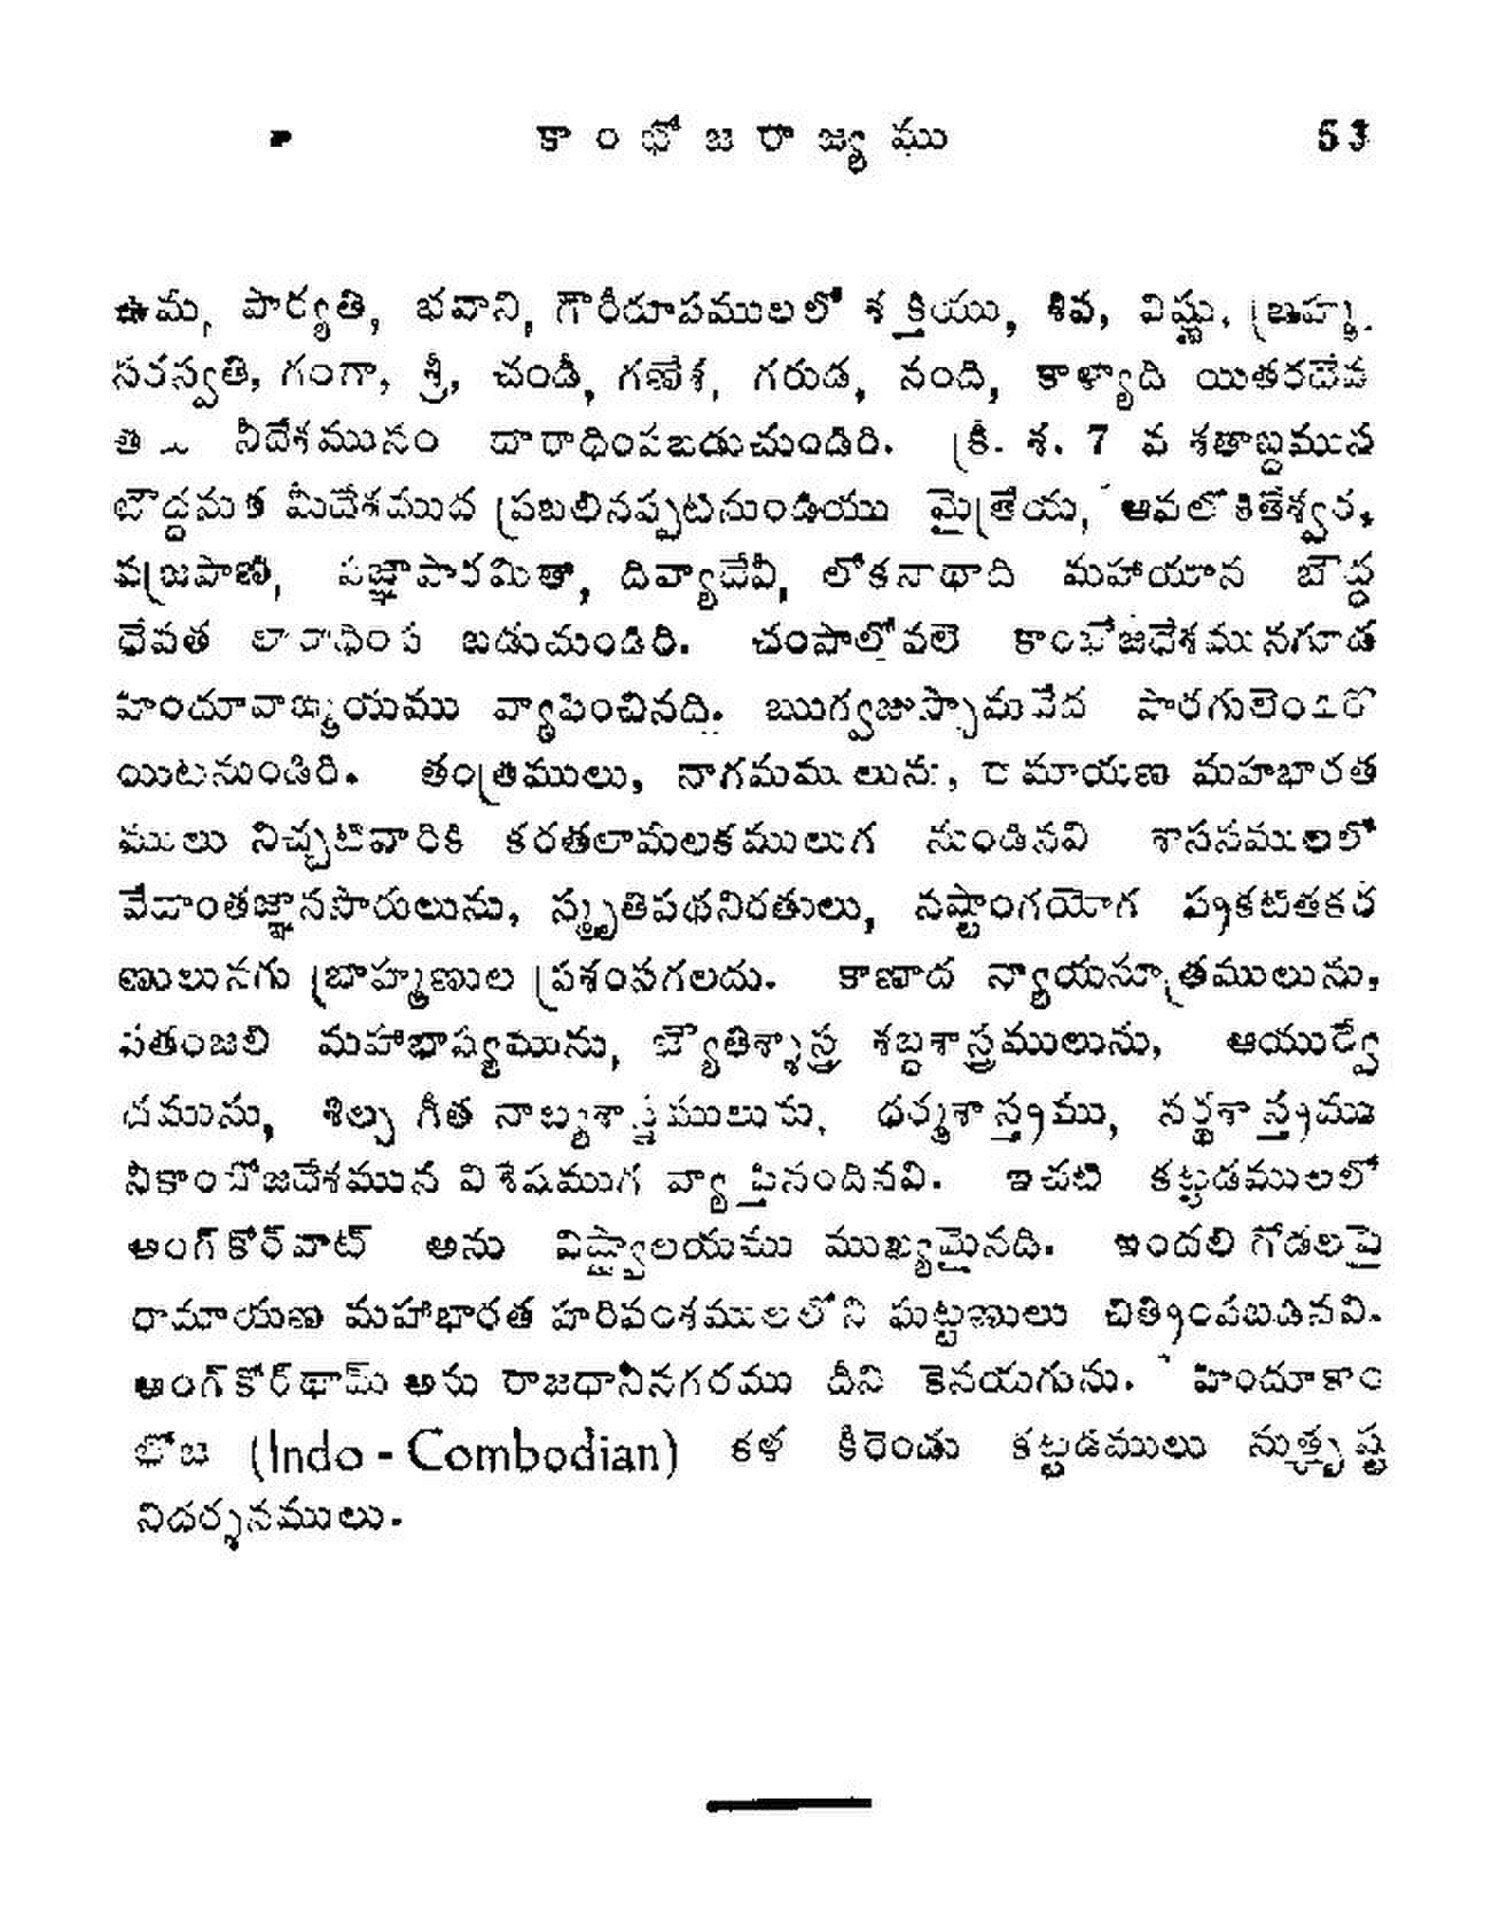ఉమ, పార్వతి, భవాని, గౌరీరూపములలో శక్తియు, శివ, విష్ణు, బ్రహ్మ, సరస్వతి, గంగా, శ్రీ, చండీ, గణేశ, గరుడ, నంది, కాళ్యాది యితరదేవతలు నీదేశమునం దారాధింపబడుచుండిరి. క్రీ. శ. 7 వ శతాబ్దమున బౌద్దమత మీదేశమున ప్రబలినప్పటినుండియు మైత్రేయ, అవలోకితేశ్వర, వజ్రపాణి, ప్రజ్ఞాపారమితా, దివ్యాదేవి, లోకనాథాది మహాయాన బౌద్దదేవత లారాధింప బడుచుండిరి. చంపాలోవలె కాంభోజదేశమునగూడ హిందూవాఙ్మయము వ్యాపించినది. ఋగ్వజుస్సామవేద పారంగులెందరో యిటనుండిరి. తంత్రములు, నాగమములును, రామాయణ మహాభారతములు నిచ్చటివారికి కరతలామలకములుగ నుండినవి. శాసనములలో వేదాంతజ్ఞానసారులును, స్మృతిపథనిరతులు, సష్టాంగయోగ ప్రకటితకరణులునగు బ్రాహ్మణుల ప్రశంసగలదు. కాణాద న్యాయసూత్రములును, పతంజలి మహాభాష్యమును, జ్యోతిశాస్త్ర శబ్దశాస్త్రములును, ఆయుర్వేదమును, శిల్ప గీత నాట్యశాస్త్రములును, ధర్మశాస్త్రము, నర్థశాస్త్రము నీకాంభోజదేశమున విశేషముగ వ్యాప్తినందినవి. ఇచటి కట్టడములలో అంగ్‌కోర్‌వాట్ అను విష్ణ్వాలయము ముఖ్యమైనది. ఇందలి గోడలపై రామాయణ మహాభారత హరివంశములలోని ఘట్టణులు చిత్రింపబడినవి. అంగ్‌కోర్‌థాం అను రాజధానీనగరము దీని కెనయగును. హిందూకాంభోజ (Indo-Combodian) కళ కీరెండు కట్టడములు నుత్కృష్ట నిదర్శనములు.

_________________